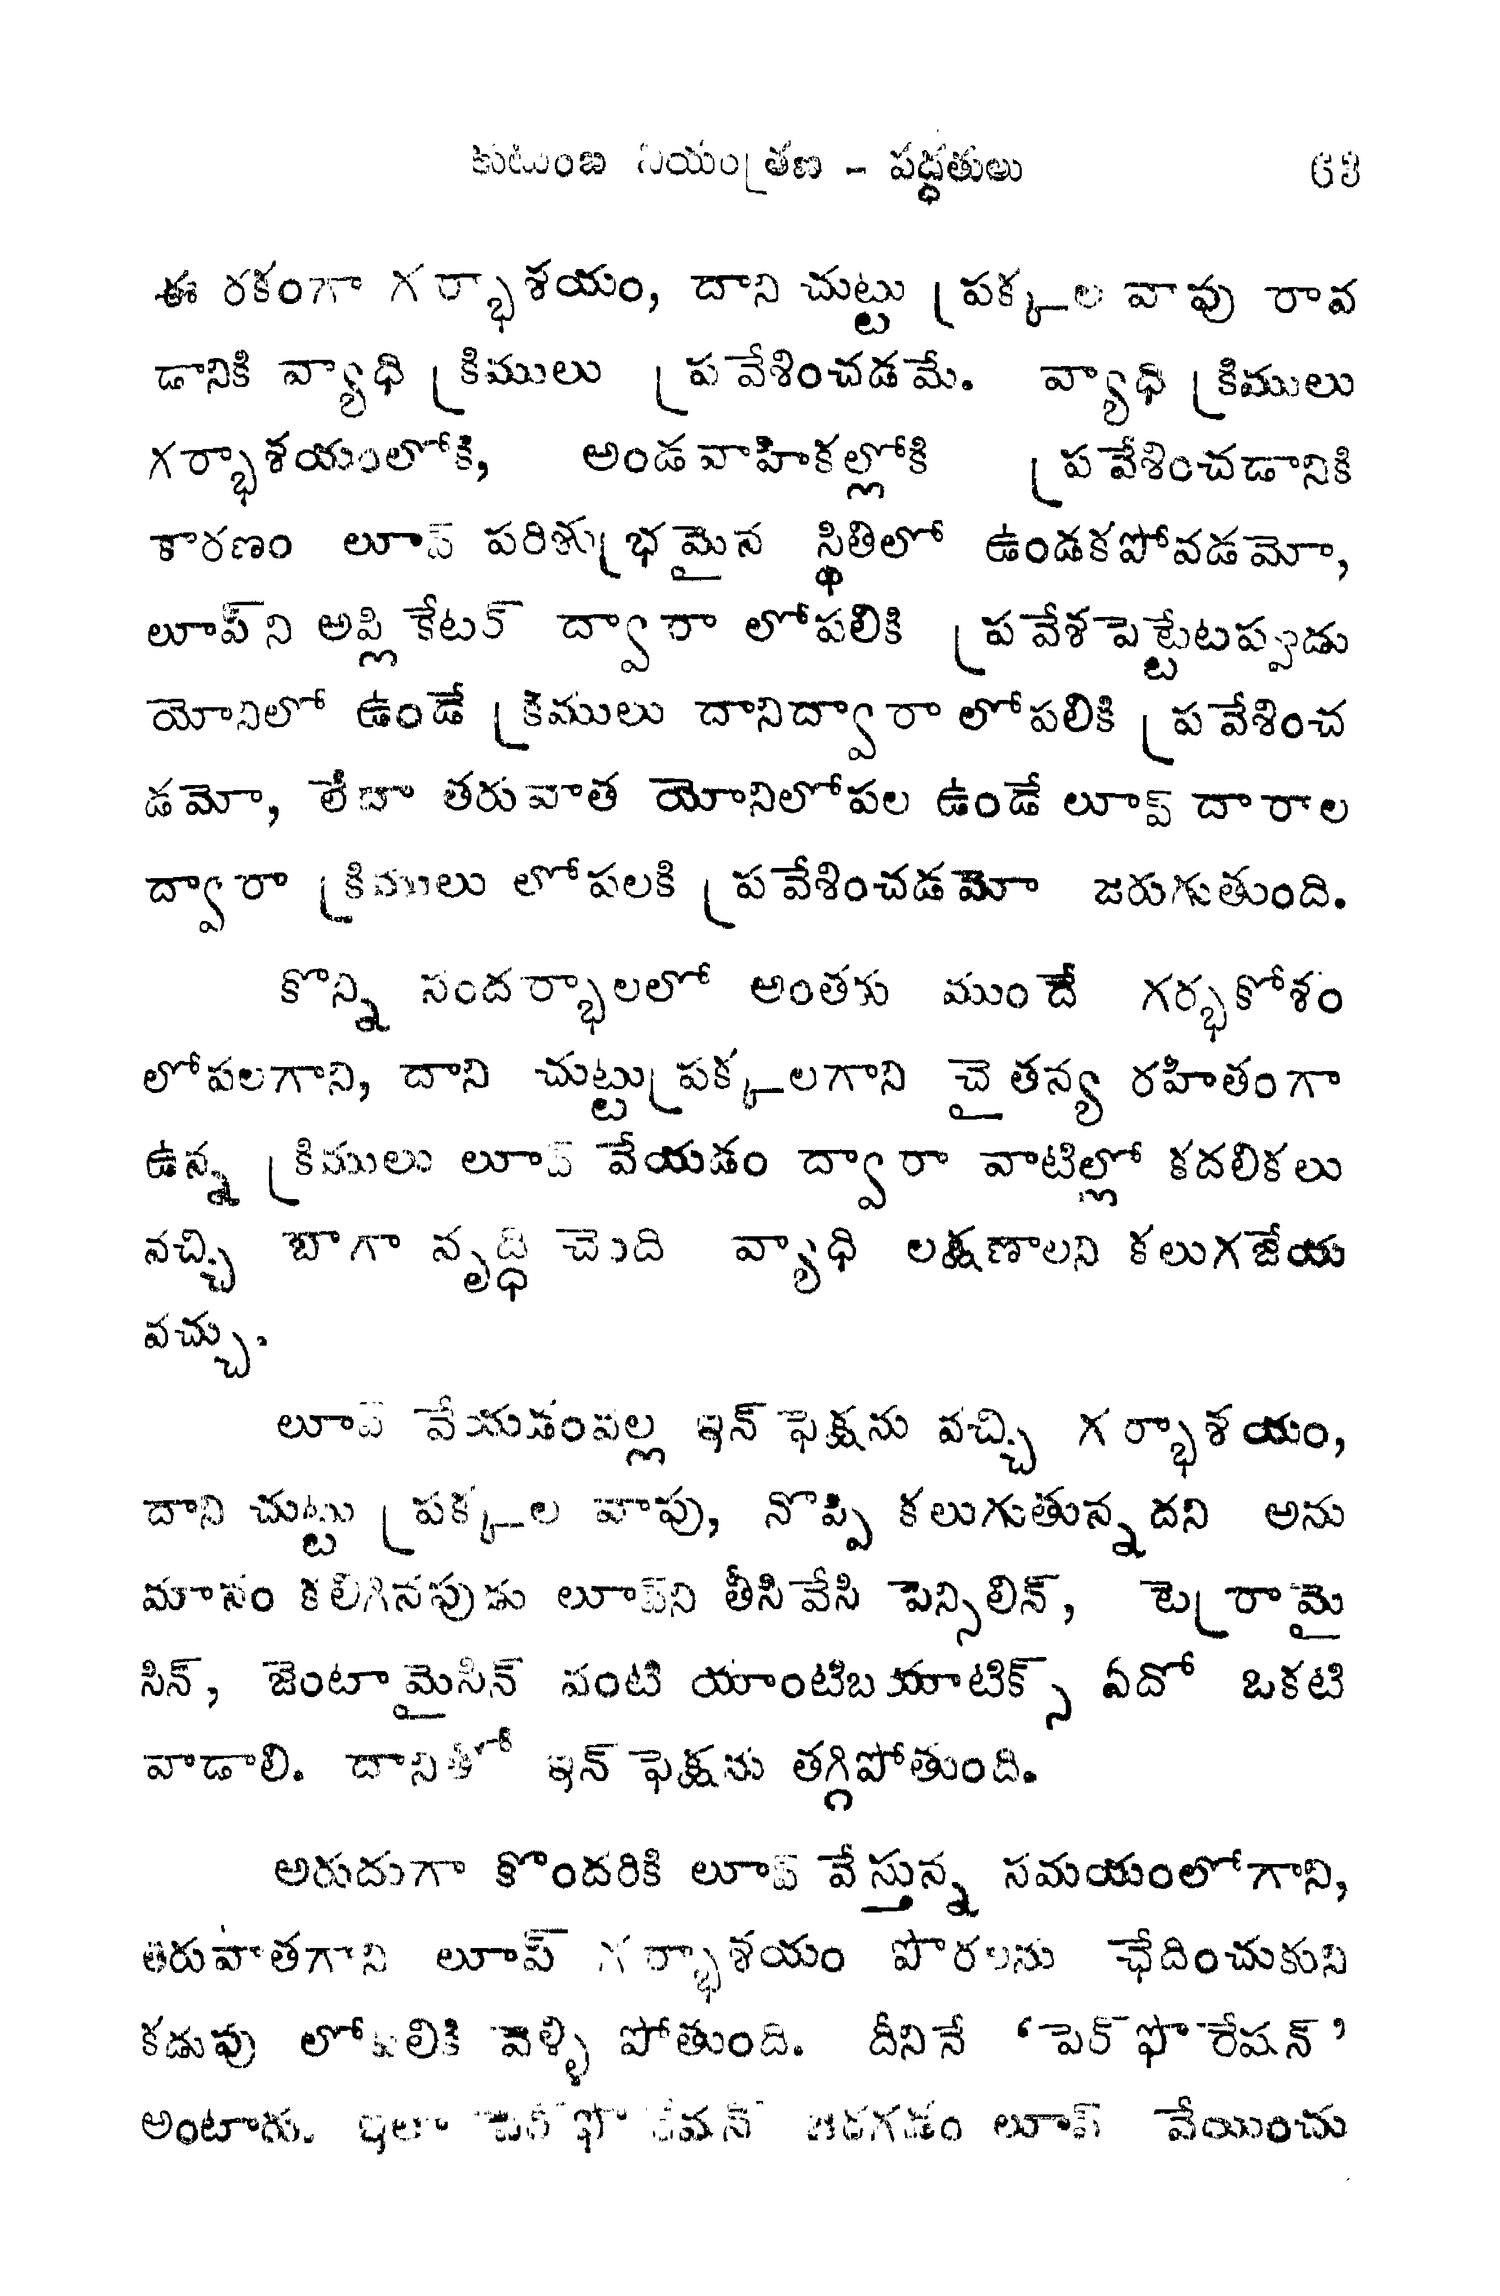ఈ రకంగా గర్బాశయం, దాని చుట్టు ప్రక్కల వాపు రావడానికి వ్యాధి క్రిములు ప్రవేశించడమే. వ్యాధి క్రిములు గర్బాశయంలోకి, అండవాహికల్లోకి ప్రవేశించడానికి కారణం లూప్ పరిశుబ్రమైన స్థితిలో ఉండకపొవడమో, లూప్‌ని అప్లి కేటర్ ద్వారా లోపలికి ప్రవేశపెట్టేటప్పుడు యోనిలో ఉండే క్రిములు దానిద్వారా లోపలికి ప్రవేశించడమో, లేదా తరువాత యోనిలోపల ఉండే లూప్ దారాల ద్వారా క్రిములు లోపలికి ప్రవేశించడమో జరుగుతుంది.

కొన్ని సందర్భాలలో అంతకు ముందే గర్భకోశం లోపలగాని, దాని చుట్టుప్రక్క్జలగాని చైతన్య రహితంగా ఉన్న క్రిములు లూప్ వేయడం ద్వారా వాటిల్లో కదలికలు వచ్చి బాగా వృద్ధి చెంది వ్యాధి లక్షణాలని కలుగజేయవచ్చు.

లూప్ వేయడంవల్ల ఇన్ ఫెక్షను వచ్చి గర్బాశయం, దాని చుట్టు ప్రక్కల వాపు, నొప్పి కలుగుతున్నదని అనుమానం కలిగినపుడు లూప్‌ని తీసివేసి పెన్సిలిన్, టెర్రామైసిన్, జెంటామైసిన్ వంటి యాంటిబయాటిక్స్ ఏదో ఒకటి వాడాలి. దానితొ ఇన్ ఫెక్షను తగ్గిపోతుంది.

అరుదుగా కొందరికి లూప్ వేస్తున్న సమయంలోగాని, తరువాతగాని లూప్ గర్భాశయం పొరలను చేదించుకుని కడుపు లోపలికి వెళ్ళి పోతుంది. దీనినే 'పెర్‌ఫోరేషన్ ' అంటారు. ఇలా పెర్‌ఫోరేషన్ జరగడం లూప్ వేయించు